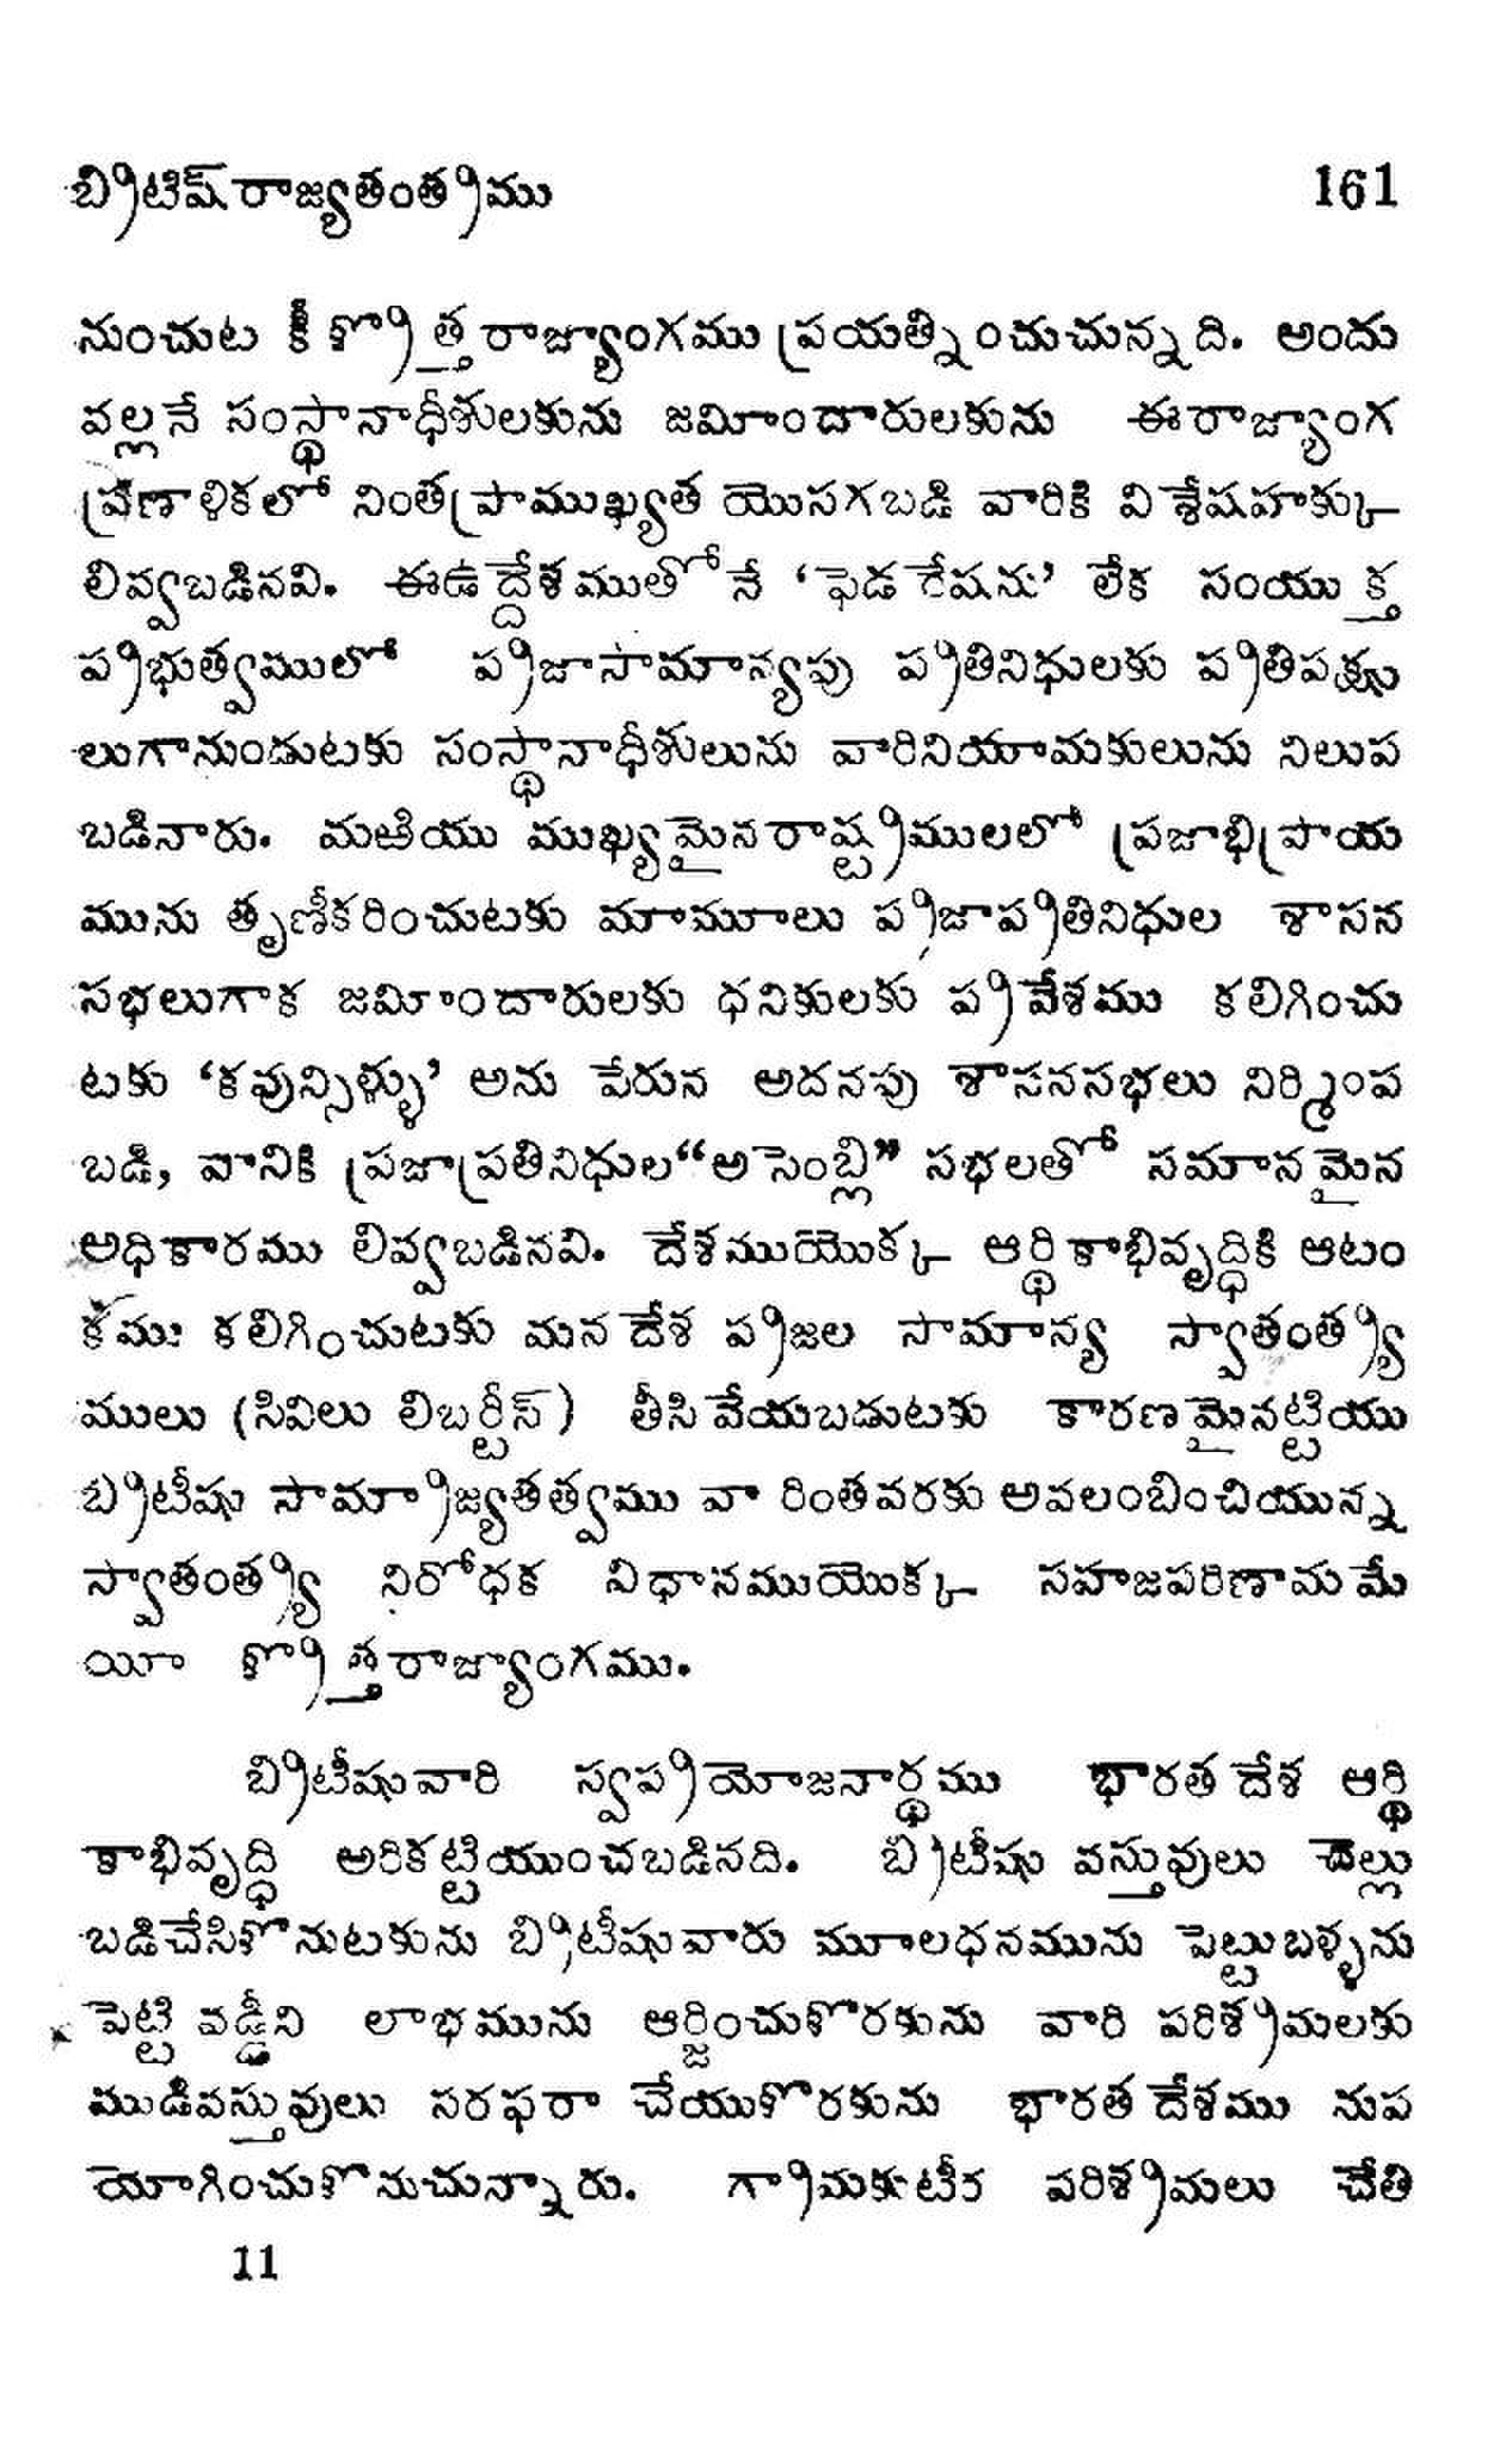నుంచుట కీక్రొత్తరాజ్యాంగము ప్రయత్నించుచున్నది. అందువల్లనే సంస్థానాధీశులకును జమీందారులకును ఈరాజ్యాంగ ప్రణాళికలో నింతప్రాముఖ్యత యొసగబడి వారికి విశేషహక్కు లివ్వబడినవి. ఈఉద్దేశముతోనే 'ఫెడరేషను' లేక సంయుక్త ప్రభుత్వములో ప్రజాసామాన్యపు ప్రతినిధులకు ప్రతిపక్షులుగానుండుటకు సంస్థానాధీశులును వారినియామకులును నిలుపబడినారు. మఱియు ముఖ్యమైన రాష్ట్రములలో ప్రజాభిప్రాయమును తృణీకరించుటకు మామూలు ప్రజాప్రతినిధుల శాసనసభలుగాక జమీందారులకు ధనికులకు ప్రవేశము కలిగించుటకు 'కవున్సిళ్ళు' అను పేరున అదనపు శాసనసభలు నిర్మింపబడి, వానికి ప్రజాప్రతినిధుల "అసెంబ్లీ” సభలతో సమానమైన అధికారము లివ్వబడినవి. దేశముయొక్క ఆర్థికాభివృద్ధికి ఆటంకము కలిగించుటకు మనదేశ ప్రజల సామాన్య స్వాతంత్ర్యములు (సివిలు లిబర్టీస్ ) తీసివేయబడుటకు కారణమైనట్టియు బ్రిటీషు సామ్రాజ్యతత్వము వా రింతవరకు అవలంబించియున్న స్వాతంత్ర్య నిరోధక విధానముయొక్క సహజపరిణామమే యీ క్రొత్తరాజ్యాంగము.

బ్రిటీషువారి స్వప్రయోజనార్ధము భారతదేశ ఆర్థికాభివృద్ధి అరికట్టియుంచబడినది. బ్రిటీషు వస్తువులు చెల్లుబడి చేసికొనుటకును బ్రిటీషువారు మూలధనమును పెట్టుబళ్ళనుపెట్టి వడ్డీని లాభమును ఆర్జించుకొరకును వారి పరిశ్రమలకు ముడివస్తువులు సరఫరా చేయుకొరకును భారతదేశము నుపయోగించుకొనుచున్నారు. గ్రామకుటీర పరిశ్రమలు చేతి